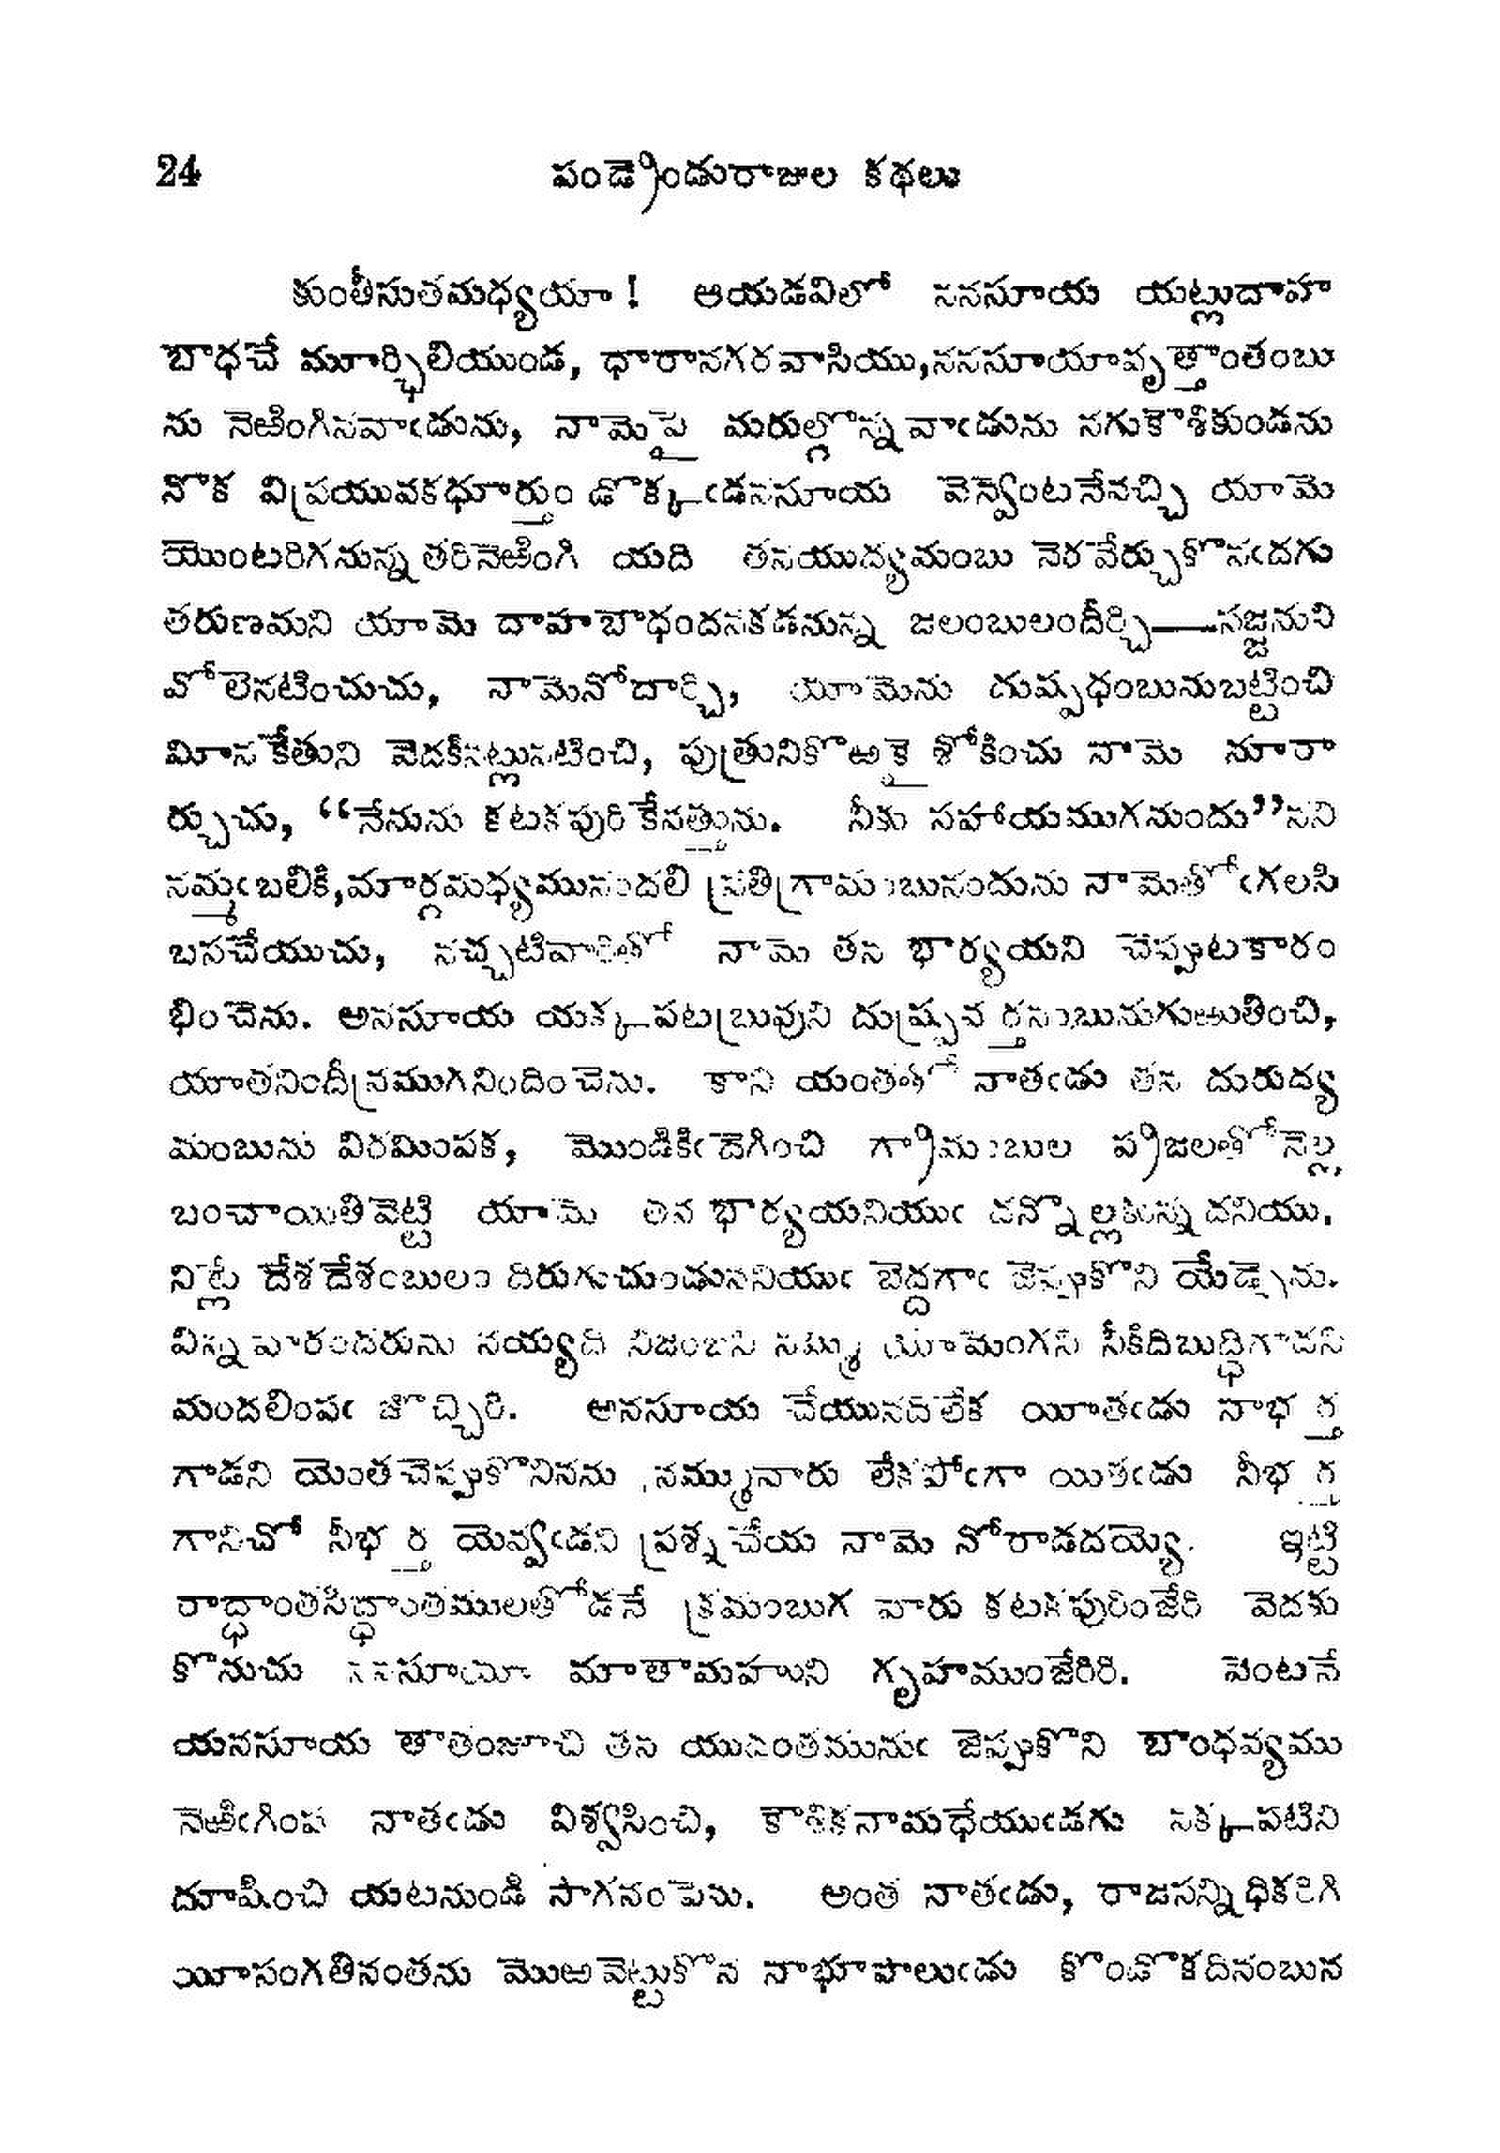కుంతీసుత మధ్యయా ! ఆయడవిలో ననసూయ యట్లుదాహ బాధచే మూర్ఛిలియుండ, ధారానగరవాసియు, ననసూయా వృత్తాంతంబును నెఱింగినవాడును, నామెపై మరుల్గొన్న వాఁడును నగుకౌశికుండను నొక విప్రయువకధూర్తుం డొక్కఁడనసూయ వెన్వెంటనేవచ్చి యామె యొంటరిగనున్న తరి నెఱింగి యది తనయుద్యమంబు నెరవేర్చుకొనఁదగు తరుణమని యామె దాహబాధందనకడనున్న జలంబులం దీర్చి—— సజ్జనుని వోలెనటించుచు, నామెనోదార్చి, యామెను దుప్పధంబునుబట్టించి
మినకేతుని వెదకినట్లునటించి, పుత్రునికొఱకై శోకించు నామె నూరార్చుచు, “నేనును కటకపురికేవత్తును. నీకు సహాయముగ నుందు"నని నమ్మఁ బలికి మార్గమధ్యమునందలి ప్రతి గ్రామంబునందును నామెతోఁగలసి బసచేయుచు, నచ్చటివారితో నామె తన భార్యయని చెప్పుటకారంభించెను. అనసూయ యక్కపటబ్రువుని దుష్ప్రవర్తనంబునుగుఱుతించి, యాతనిందీవ్రముగ నిందించెను. కాని యంతతో నాతఁడు తన దురుద్యమంబును విరమింపక, మొండికిఁ దెగించి గ్రామంబుల ప్రజలతో నెల్ల,
బంచాయితి వెట్టి యామె తన భార్యయనియుఁ డన్నొల్ల కున్నదనియు, నిట్లే దేశదేశంబులనం దిరుగుచుండుననియుఁ బెద్దగాఁ జెప్పుకొని యేడ్చెను. విన్న వారందరును నయ్యది నిజంబని నమ్మి యామెంగని నీకిది బుద్ధిగాదని మందలింపఁ జోచ్చిరి. అనసూయ చేయునది లేక యీతఁడు నాభర్త గాడని యెంత చెప్పుకొనినను నమ్మువారు లేకపోఁగా యీతఁడు నీభర్త
గానిచో నీభర్త యెవ్వఁడని ప్రశ్న చేయ నామె నోరాడదయ్యె. ఇట్టి రాద్ధాంతసిద్ధాంతముల తోడనే క్రమంబుగ వారు కటకపురింజేరి వెదకు కొనుచు ననసూయా మాతామహుని గృహముం జేరిరి. వెంటనే యనసూయ తాతంజూచి తన యుదంతమునుఁ జెప్పుకొని బాంధవ్యము నెఱిఁగింప నాతఁడు విశ్వసించి, కౌశిక నామధేయుఁడగు నక్కపటిని దూషించి యటనుండి సాగనంపెను. అంత నాతఁడు, రాజసన్నిధికరిగి యీసంగతినంతను మొఱవెట్టుకొన నాభూపాలుఁడు కొండొక దినంబున